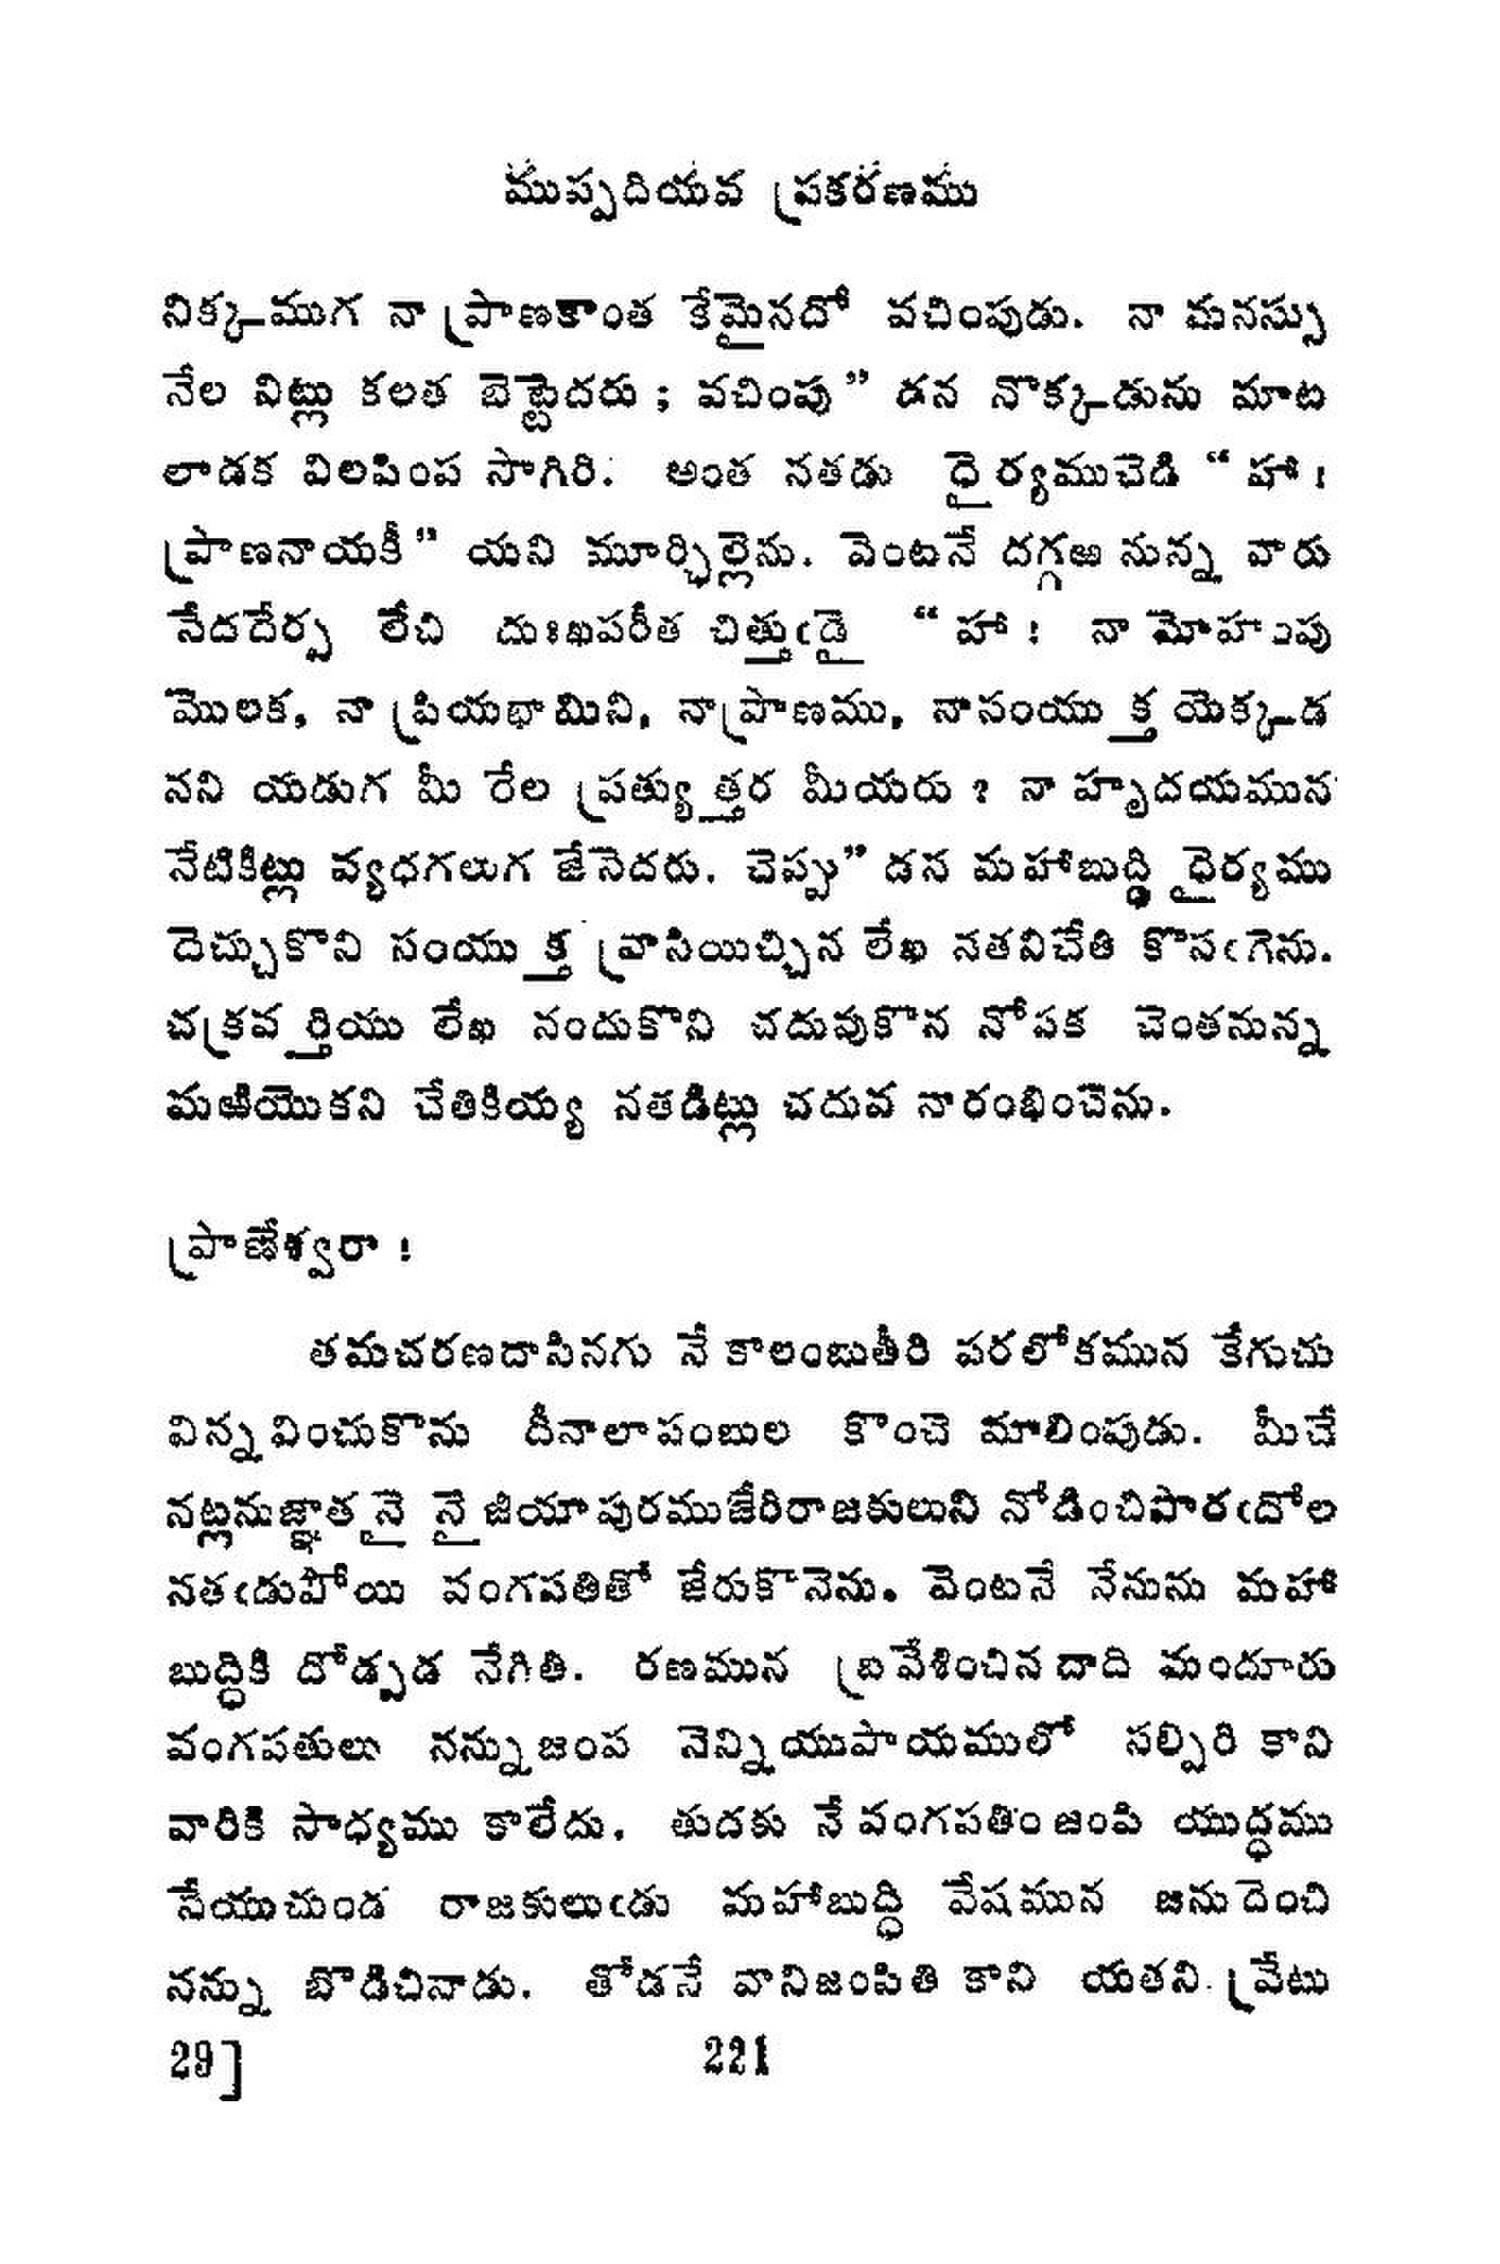నిక్కముగ నా ప్రాణకాంత కేమైనదో వచింపుడు. నా మనస్సు నేల విట్లు కలత బెట్టెదరు; వచింపు" డన నొక్కడును మాటలాడక విలపింప సాగిరి. అంత నతడు ధైర్యముచెడి “హా ! ప్రాణనాయకీ " యని మూర్చిల్లెను. వెంటనే దగ్గఱ నున్న వారు సేదదేర్స లేచి దుఃఖపరీత చిత్తుఁడై “హా ! నా మోహంపు మొలక, నా ప్రియభామిని, నాప్రాణము, నాసంయుక్త యెక్కడ నని యడుగ మీ రేల ప్రత్యుత్తర మీయరు? నా హృదయమున నేటికిట్లు వ్యధగలుగ జేసెదరు. చెప్పు" డన మహాబుద్ది ధైర్యము దెచ్చుకొని సంయుక్త వ్రాసియిచ్చిన లేఖ నతనిచేతి కొసఁగెను. చక్రవర్తియు లేఖ నందుకొని చదువుకొన నోపక చెంతనున్న మఱియొకని చేతికియ్య నతడిట్లు చదువ నారంభించెను.

ప్రాణేశ్వరా !

తమచరణదాసినగు నే కాలంబుతీరి పరలోకమున కేగుచు విన్నవించుకొను దీనాలాపంబుల కొంచె మాలింపుడు. మీచే నట్లనుజ్ఞాతనై నైజియాపురము జేరిరాజకులుని నోడించి పారఁదోల నతఁడుపోయి వంగపతితో జేరుకొనెను. వెంటనే నేనును మహాబుద్ధికి దోడ్పడ నేగితి. రణమున బ్రవేశించిన దాది మందూరు వంగపతులు నన్నుజంప నెన్నియుపాయములో సల్పిరి కాని వారికి సాధ్యము కాలేదు. తుదకు నే వంగపతిం జంపి యుద్ధము సేయుచుండ రాజకులుఁడు మహాబుద్ధి వేషమున జనుదెంచి నన్ను బొడిచినాడు. తోడనే వానిజంపితి కాని యతని వ్రేటు